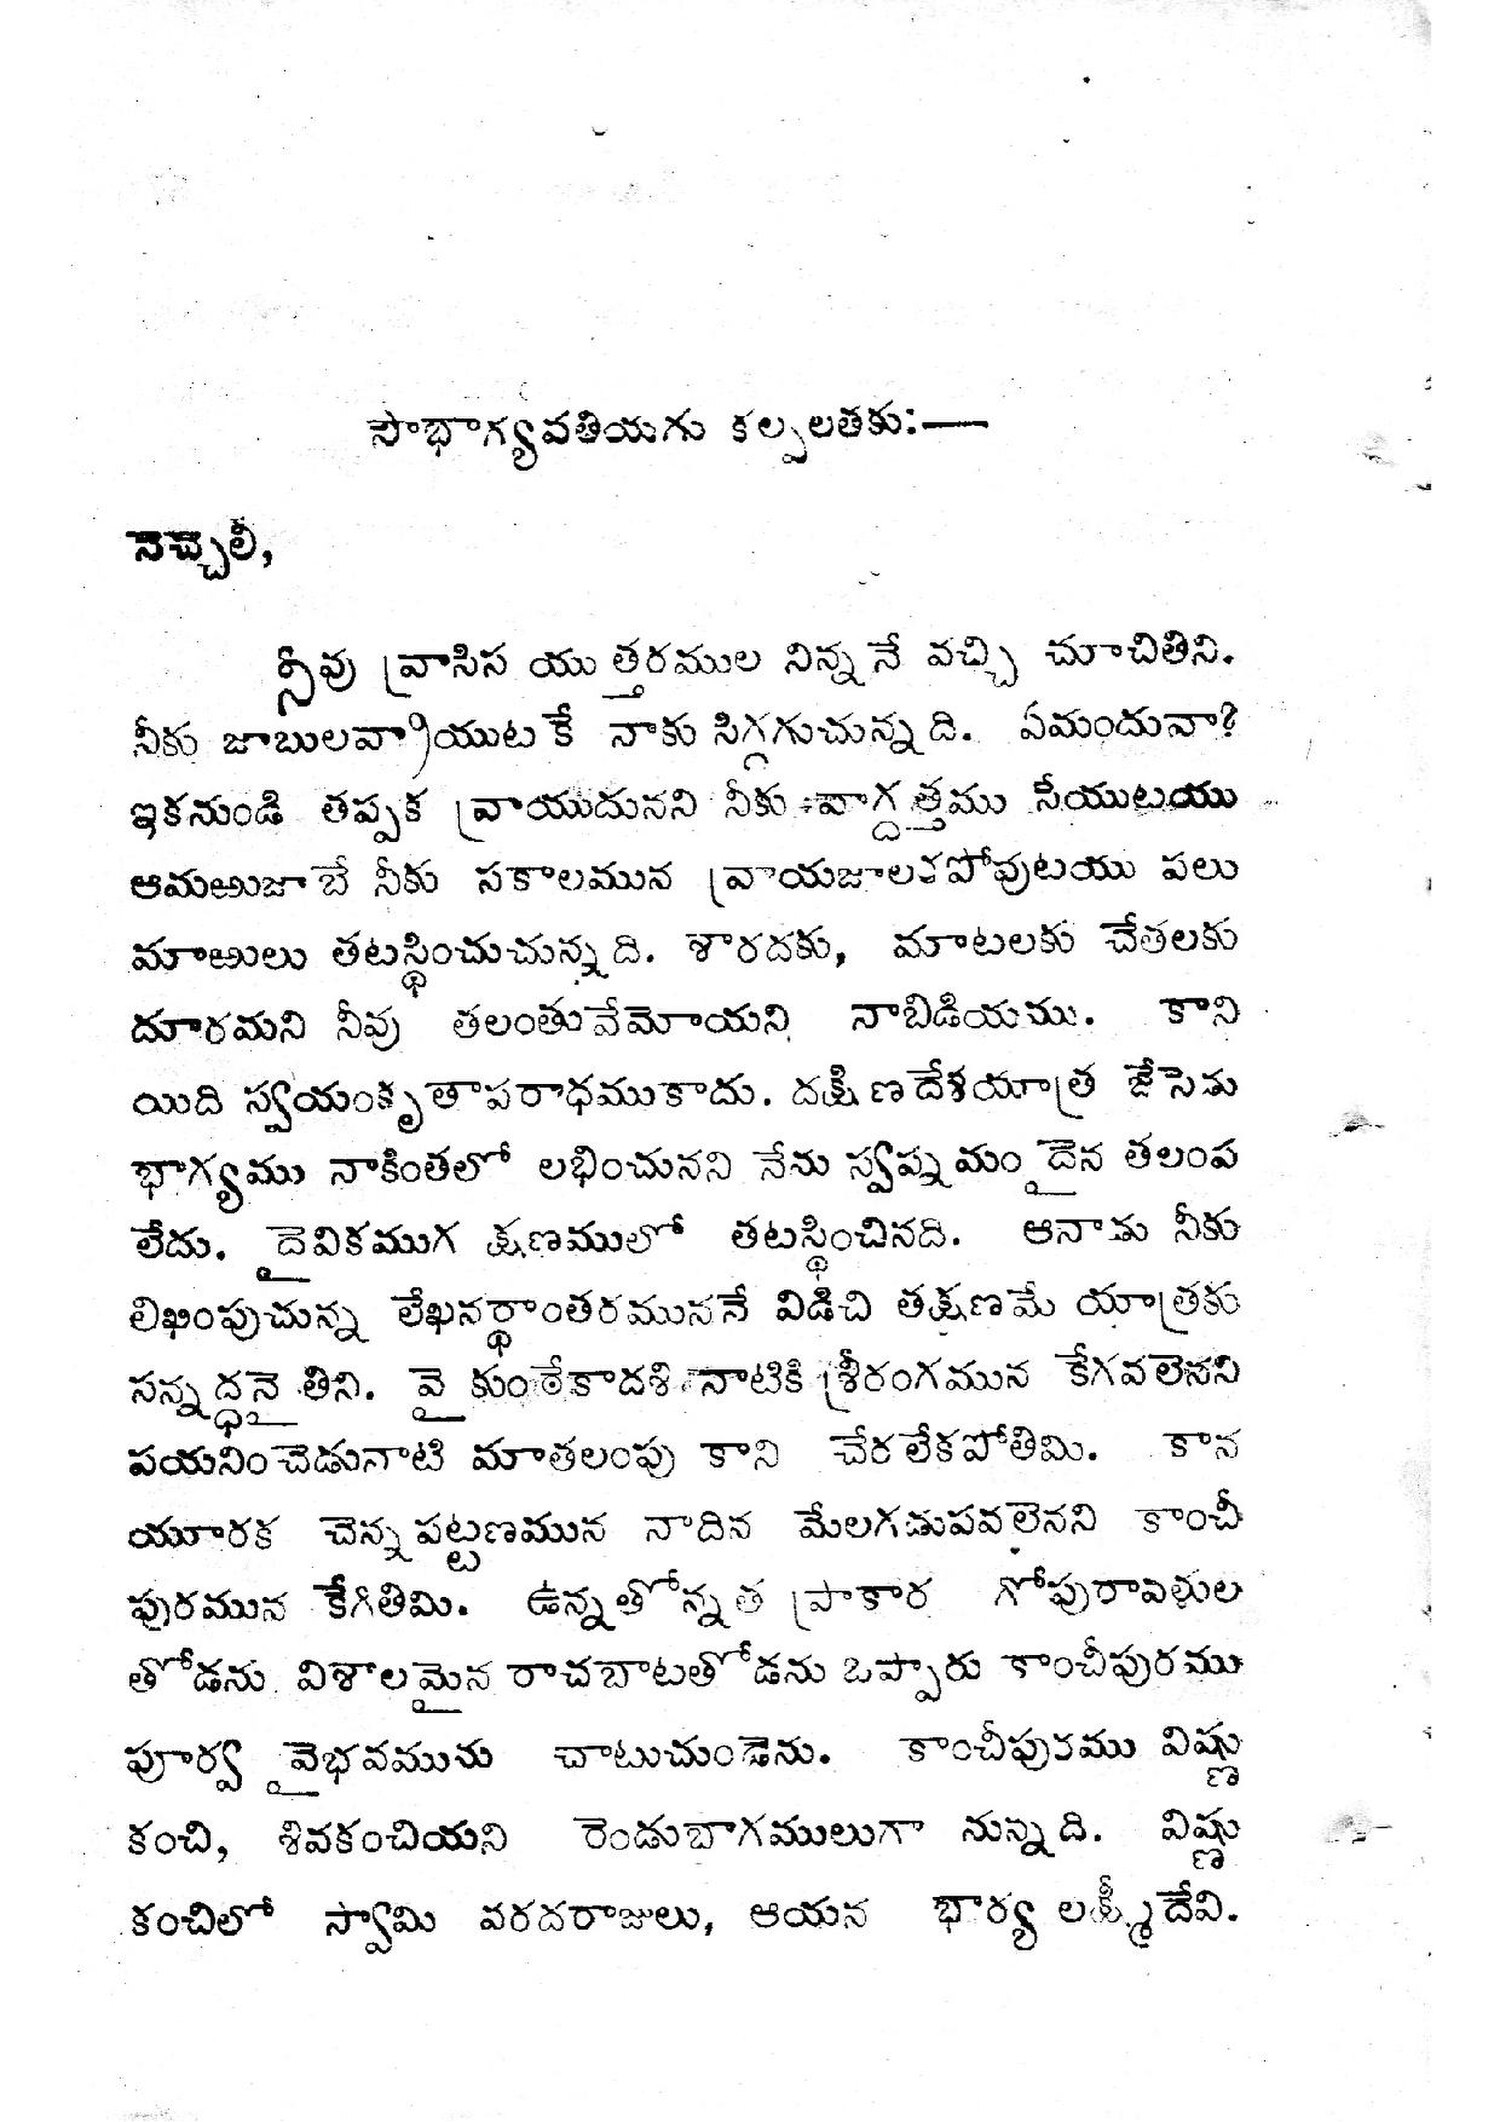నెచ్చెలీ,

నీవు వ్రాసిన యుత్తరముల నిన్ననే వచ్చి చూచితిని. నీకు జాబులవ్రాయుటకే నాకు సిగ్గగుచున్నది. ఏమందువా? ఇకనుండి తప్పక వ్రాయుదునని నీకు వాగ్దత్తము సేయుటయు ఆమఱుజాబే నీకు సకాలమున వ్రాయజాలకపోవుటయు పలుమాఱులు తటస్థించుచున్నది. శారదకు, మాటలకు చేతలకు దూరమని నీవు తలంతువేమోయని నాబిడియము. కాని యిది స్వయంకృతాపరాధముకాదు. దక్షిణదేశయాత్ర జేసెడు 
భాగ్యము నాకింతలో లభించునని నేను స్వప్నమందైన తలంపలేదు. దైవికముగ క్షణములో తటస్థించినది. ఆనాడు నీకు లిఖింపుచున్న లేఖనర్థాంతరముననే విడిచి తక్షణమే యాత్రకు సన్నద్ధనైతిని. వైకుంఠేకాదశి నాటికి శ్రీరంగమున కేగవలెనని పయనించెడునాటి మాతలంపు కాని చేరలేకపోతిమి. కాన యూరక చెన్న పట్టణమున నాదిన మేలగడుపవలెనని కాంచీపురమున కేగితిమి. ఉన్నతోన్నత ప్రాకార గోపురావళుల
తోడను. విశాలమైన రాచబాటతోడను ఒప్పారు కాంచీపురము పూర్వ వైభవమును చాటుచుండెను. కాంచీపురము విష్ణుకంచి, శివకంచియని రెండుబాగములుగా నున్నది. విష్ణుకంచిలో స్వామి వరదరాజులు, ఆయన భార్య లక్ష్మీదేవి.